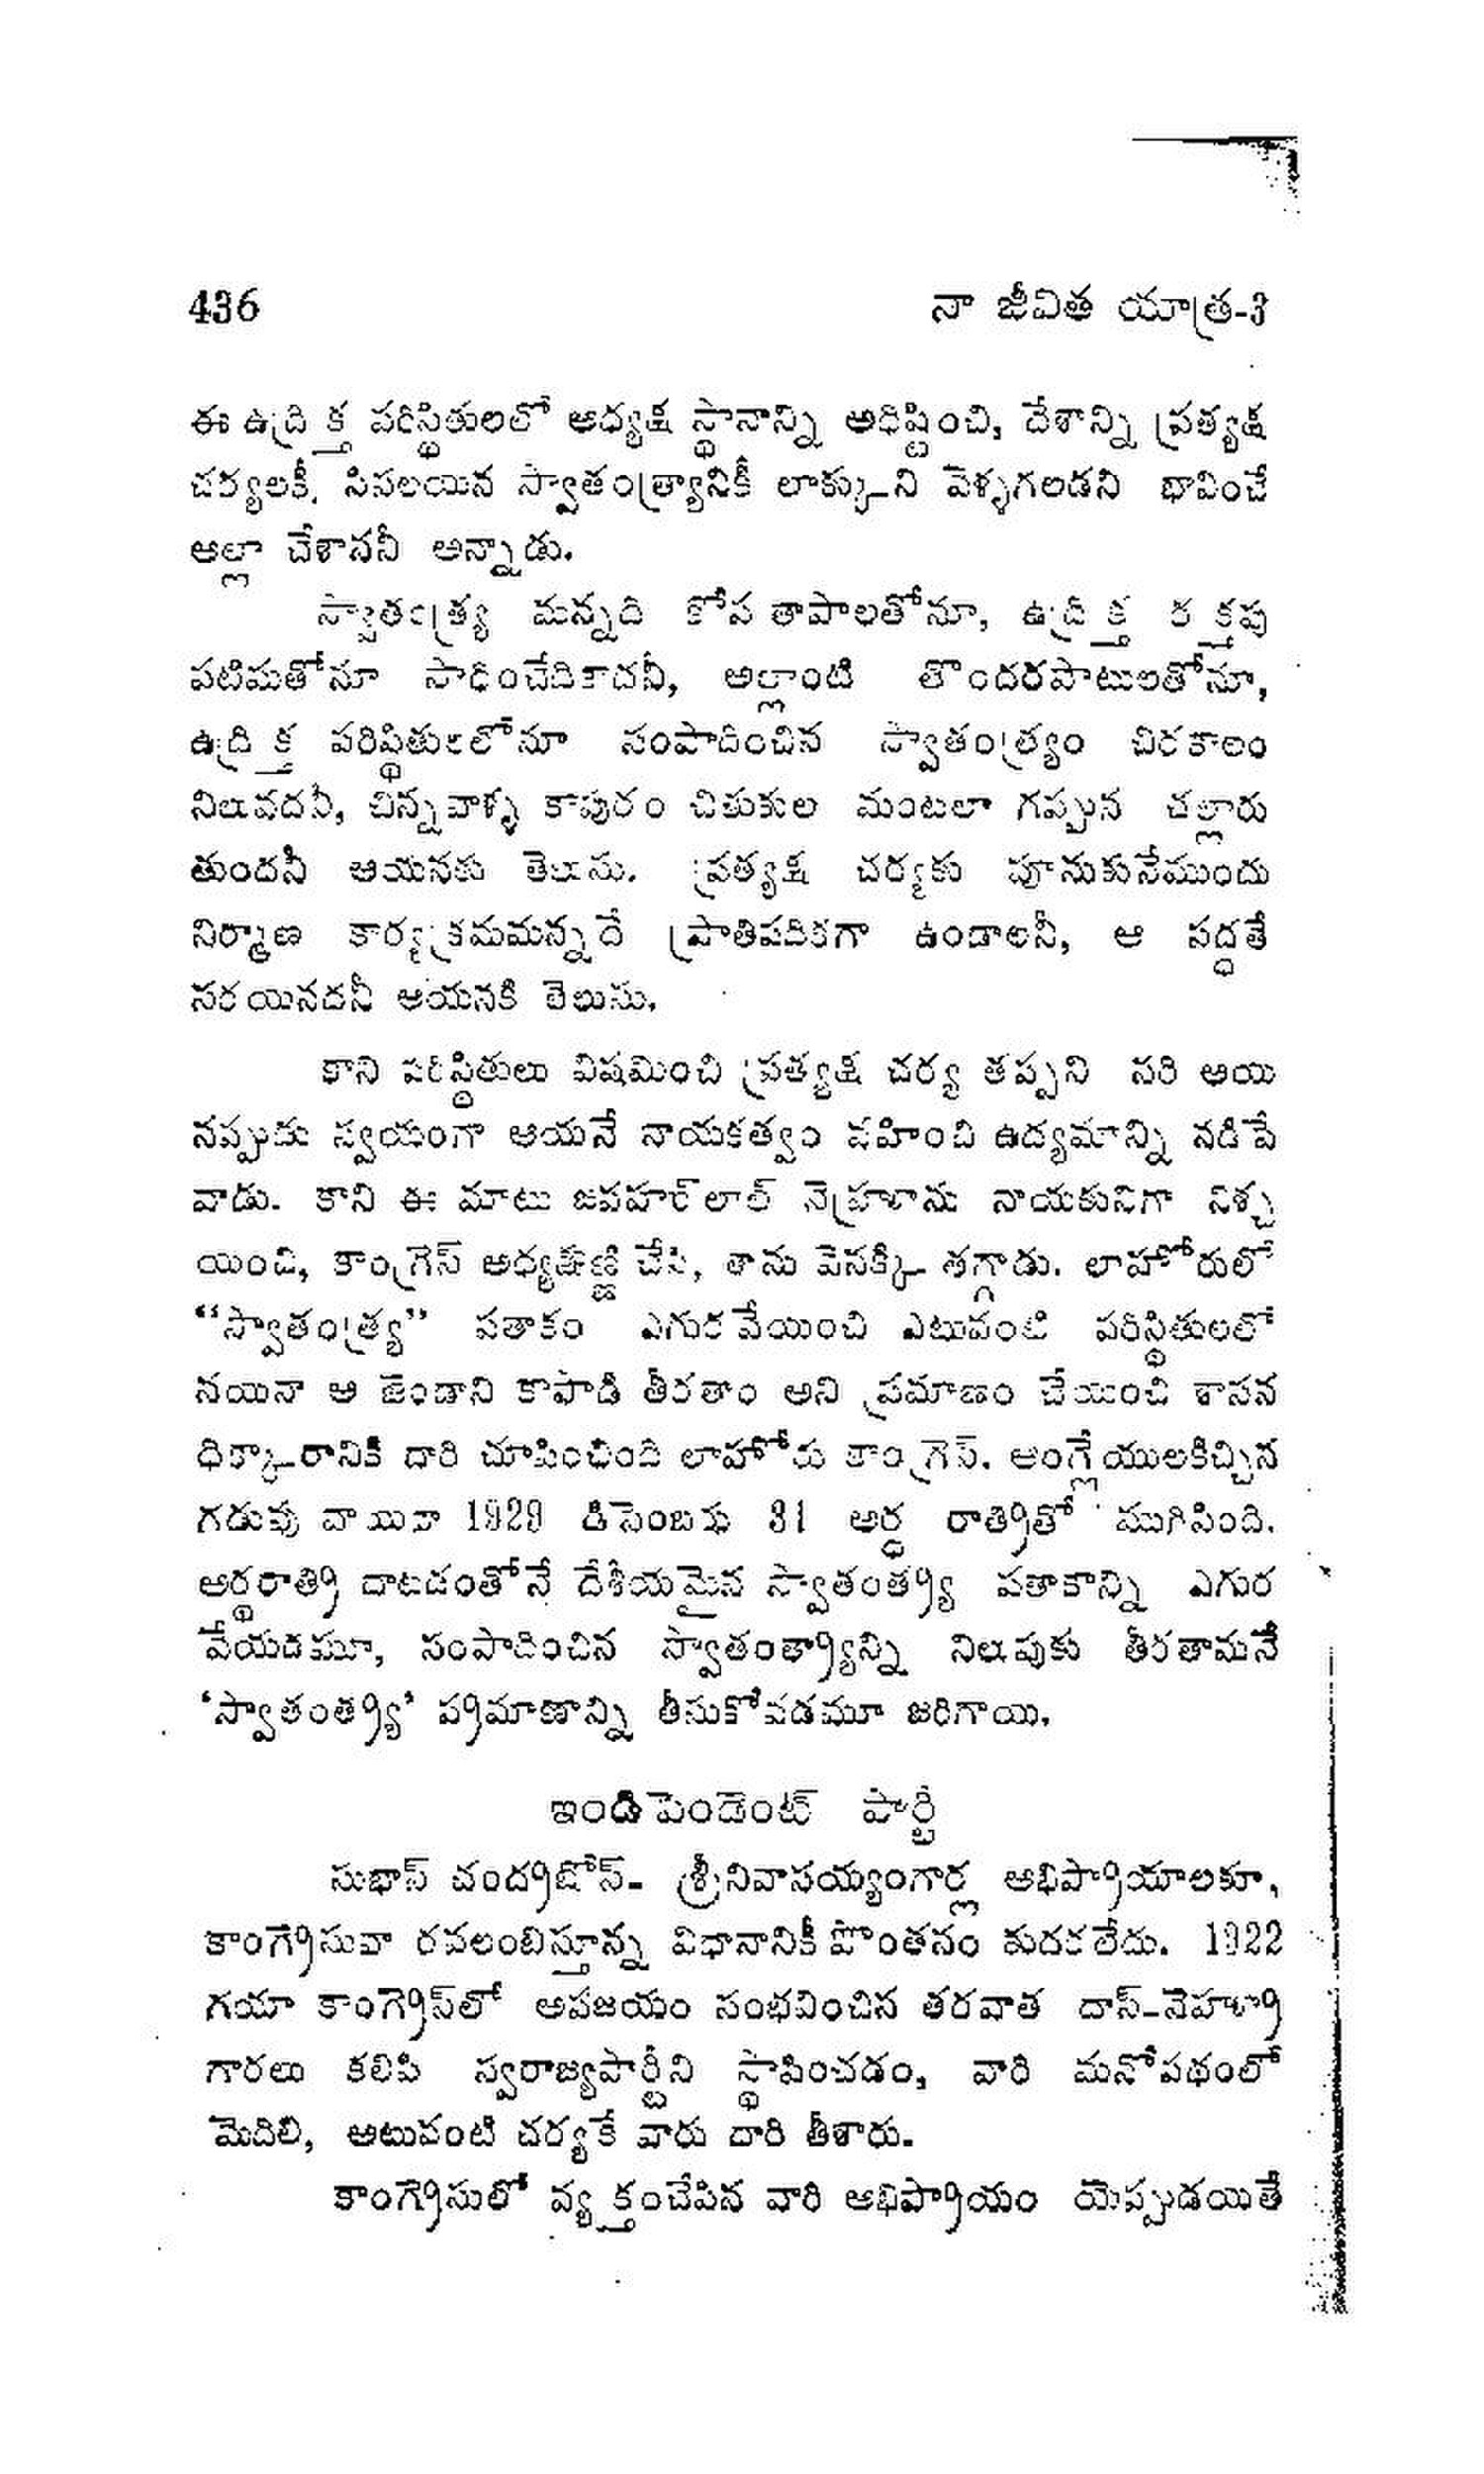ఈ ఉద్రిక్త పరిస్థితులలో అధ్యక్ష స్థానాన్ని అధిష్టించి, దేశాన్ని ప్రత్యక్ష చర్యలకీ, సిసలయిన స్వాతంత్ర్యానికీ లాక్కుని వెళ్ళగలడని భావించే అల్లా చేశాననీ అన్నాడు.

స్వాతంత్ర్య మన్నది కోప తాపాలతోనూ, ఉద్రిక్త రక్తపు పటిమతోనూ సాధించేదికాదనీ, అల్లాంటి తొందరపాటులతోనూ, ఉద్రిక్త పరిస్థితులలోనూ సంపాదించిన స్వాతంత్ర్యం చిరకాలం నిలువదనీ, చిన్నవాళ్ళ కాపురం చితుకుల మంటలా గప్పున చల్లారుతుందనీ ఆయనకు తెలుసు. ప్రత్యక్ష చర్యకు పూనుకునేముందు నిర్మాణ కార్యక్రమమన్నదే ప్రాతిపదికగా ఉండాలనీ, ఆ పద్ధతే సరయినదనీ ఆయనకి తెలుసు.

కాని పరిస్థితులు విషమించి ప్రత్యక్ష చర్య తప్పని సరి అయినప్పుడు స్వయంగా ఆయనే నాయకత్వం వహించి ఉద్యమాన్ని నడిపేవాడు. కాని ఈ మాటు జవహర్‌లాల్ నెహ్రూను నాయకునిగా నిశ్చయించి, కాంగ్రెస్ అధ్యక్షుణ్ణిచేసి, తాను వెనక్కి తగ్గాడు. లాహోరులో "స్వాతంత్ర్య" పతాకం ఎగురవేయించి ఎటువంటి పరిస్థితులలో నయినా అ జెండాని కాపాడి తీరతాం అని ప్రమాణం చేయించి శాసన ధిక్కారానికి దారి చూపించింది లాహోరు కాంగ్రెస్. ఆంగ్లేయులకిచ్చిన గడువు వాయిదా 1929 డిసెంబరు 31 అర్ధ రాత్రితో ముగిసింది. అర్థరాత్రి దాటడంతోనే దేశీయమైన స్వాతంత్ర్య పతాకాన్ని ఎగుర వేయడమూ, సంపాదించిన స్వాతంత్ర్యాన్ని నిలుపుకు తీరతామనే 'స్వాతంత్ర్య' ప్రమాణాన్ని తీసుకోవడమూ జరిగాయి.

సుభాస్ చంద్రబోస్ - శ్రీనివాసయ్యంగార్ల అభిప్రాయాలకూ, కాంగ్రెసువా రవలంబిస్తూన్న విధానానికీ పొంతనం కుదరలేదు. 1922 గయా కాంగ్రెస్‌లో అపజయం సంభవించిన తరవాత దాస్ - నెహ్రూ గారలు కలిసి స్వరాజ్యపార్టీని స్థాపించడం, వారి మనోపథంలో మెదిలి, అటువంటి చర్యకే వారు దారి తీశారు.

కాంగ్రెసులో వ్యక్తంచేసిన వారి అభిప్రాయం యెప్పుడయితే